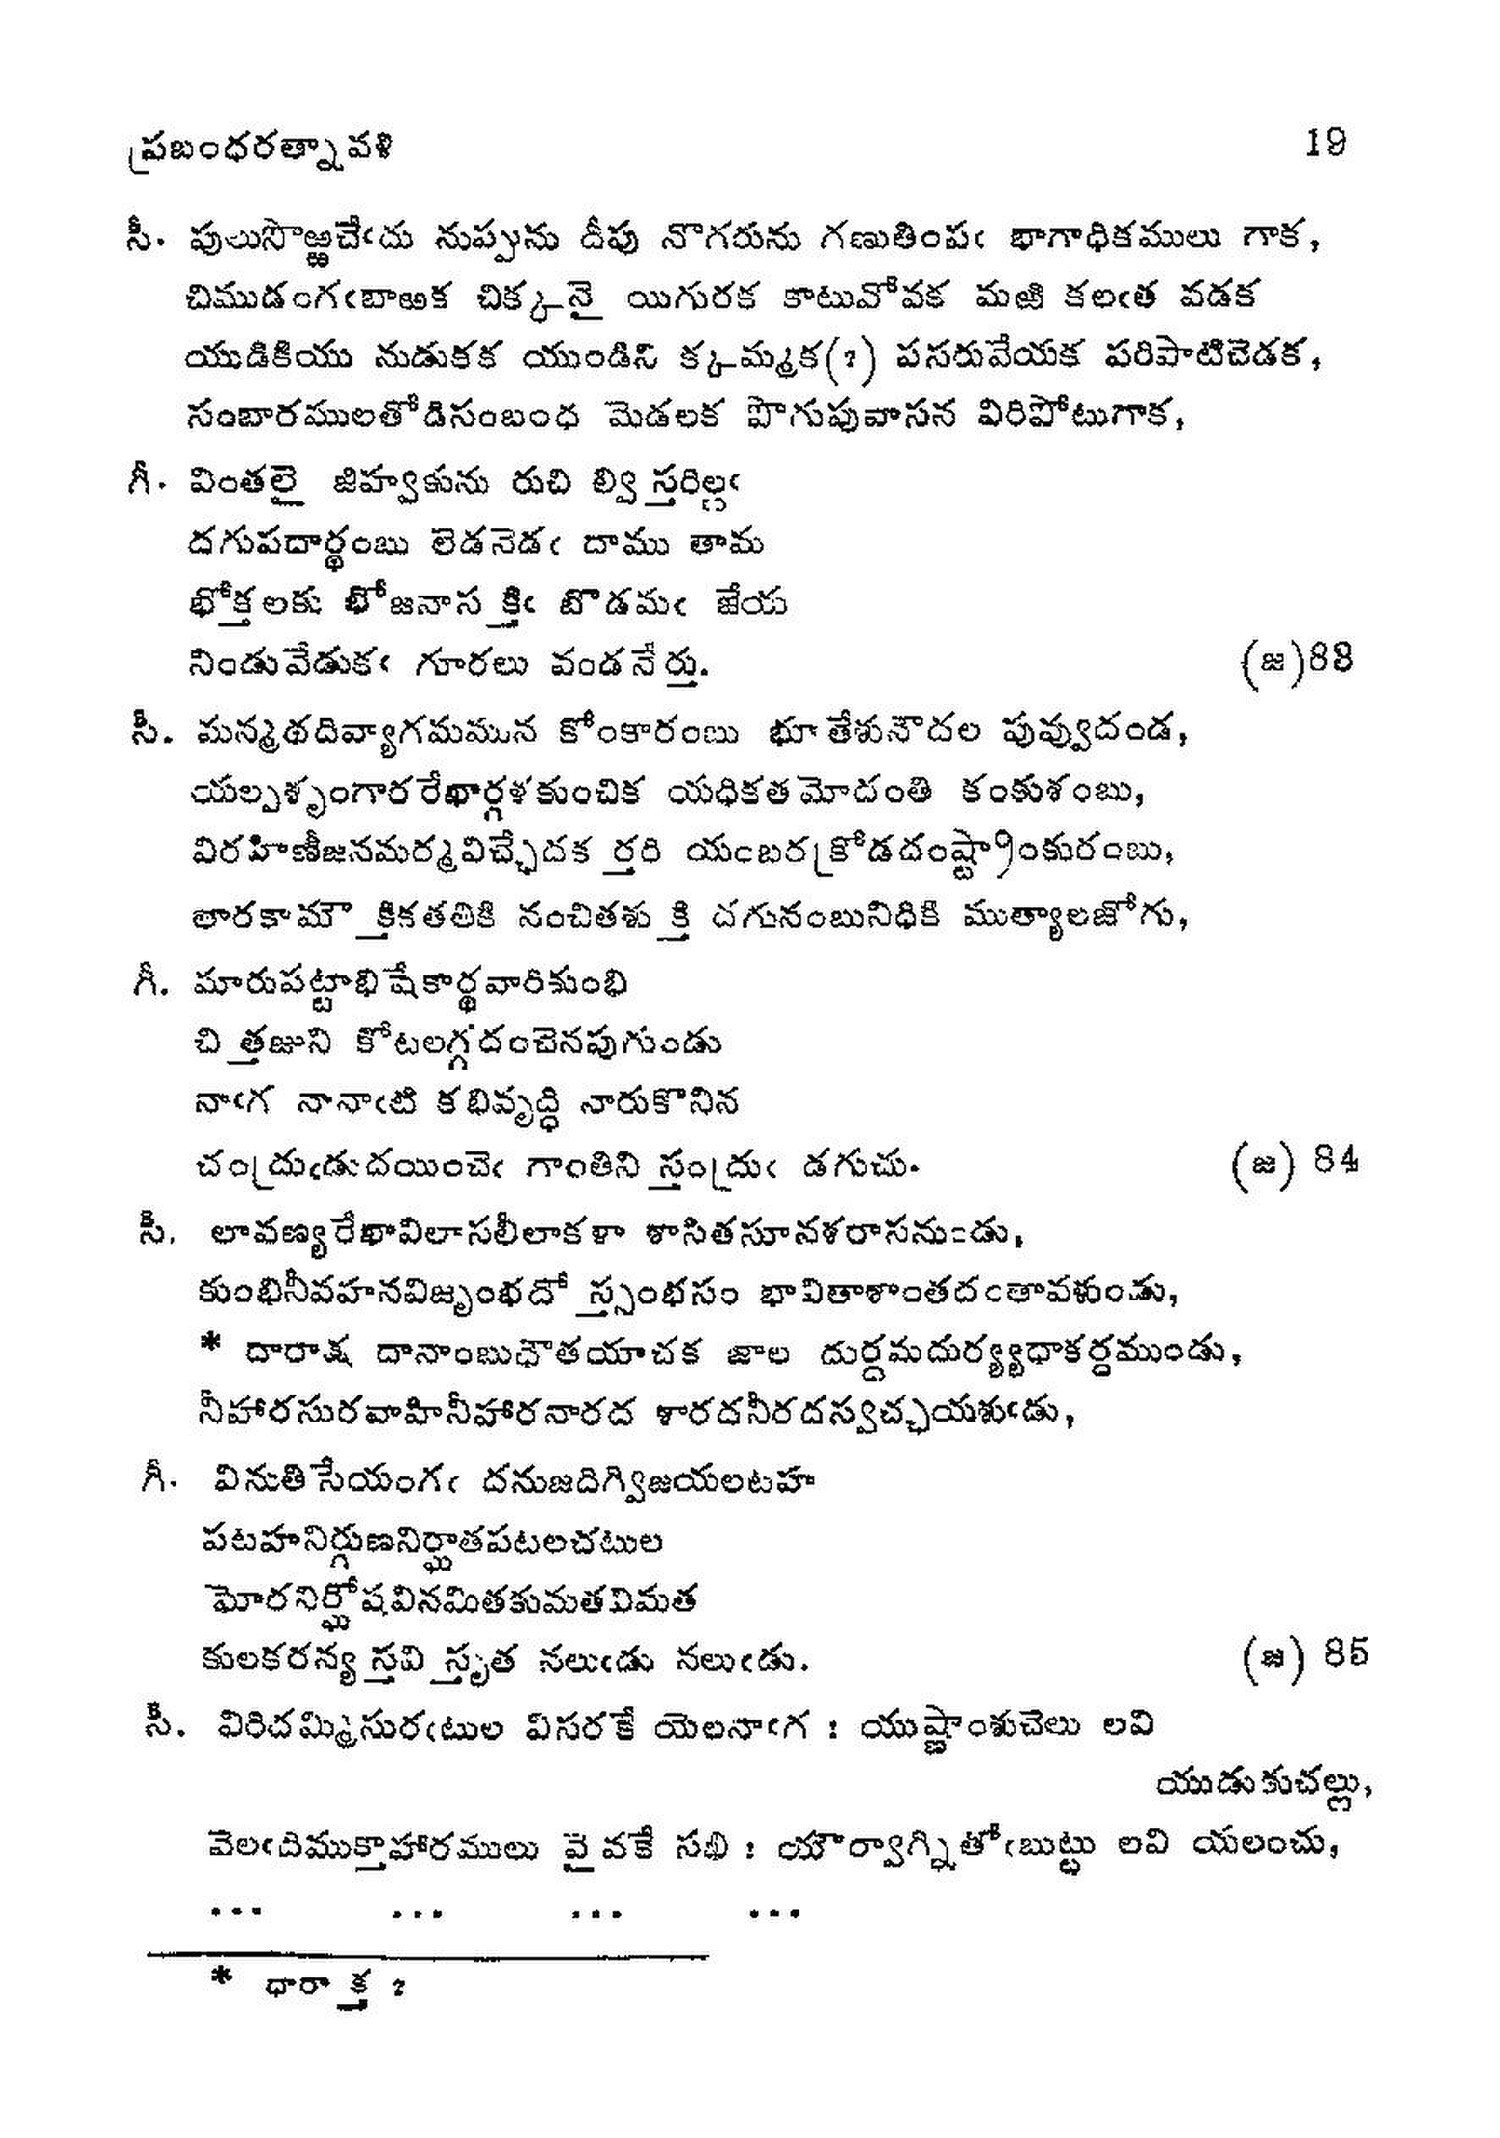సీ. పులుసొఱ్ఱచేఁదు నుప్పును దీపు నొగరును గణుతింపఁ భాగాధికములు గాక,
చిముడంగఁ బాఱక చిక్కనై యిగురక కాటువోవక మఱి కలఁత వడక,
యుడికియు నుడుకక యుండి నిక్కమ్మక[?] పసరువేయక పరిపాటిచెడక
సంబారములతోడి సంబంధ మెడలక పొగపువాసన విరిపోటుగాక,
తే. వింతలై జిహ్వకును రుచు ల్విస్తరిల్లఁ
దగుపదార్థంబు లెడనెడఁ దాము తామ
భోక్తలకు భోజనాసక్తిఁ బొడమఁ జేయ
నిండువేడుకఁ గూరలు వండ నేర్తు. (జ) 83

సీ. మన్మథదివ్యాగమమున కోంకారంబు భూతేశునౌదల పువ్వుదండ,
యమితశృంగారరేఖార్గళకుంచిక యధికతమోదంతి కంకుశంబు,
విరహిణీజనమర్మవిచ్ఛేదకర్తరి యంబరక్రోడదంష్ట్రాంకురంబు,
తారకామౌక్తికతతికి నంచితశుక్తి దగు నంబునిధికి ముత్యాలజోగు,
తే. మారుపట్టాభిషేకార్థవారికుంభి
చిత్తజుని కోటలగ్గ దంచెనపుగుండు
నాఁగ నానాఁటి కబివృద్ధి నారుకొనిన
చంద్రుఁ డుదయించెఁ గాంతి నిస్తంద్రుఁ డగుచు. (జ) 84

సీ. లావణ్యరేఖావిలాసలీలాకళా శాసితసూనశరాసనుండు,
కుంభినీవహనవిజృభదోస్స్తంభసం భావితాశాంతదంతావళుండు,
దారాక్ష దానాంబుధౌతయాచక జాల దుర్దమదుర్వ్యధాకర్దముండు,
నీహారసురవాహినీహారనారద శారదనీరదస్వచ్ఛయశుఁడు,
తే. వినుతి సేయంగఁ దనుజదిగ్విజయలటహ
పటహనిర్గుణనిర్ఘాతపటలచటుల
ఘోరనిర్ఘోషవినమితకుమతవిమత
కులకరన్యన్తవిస్తృతనలుఁడు నలుఁడు. (జ) 85

సీ. విరదమ్మిసురఁటుల విసరకే యెలనాఁగ! యుష్ణాంశుచెలు లవి యుడుకుచల్లు,
వెలఁదిముక్తాహారములు వైనకే సఖి! యౌర్వాగ్నితోఁబుట్టు లవి యలంచు,
................................................